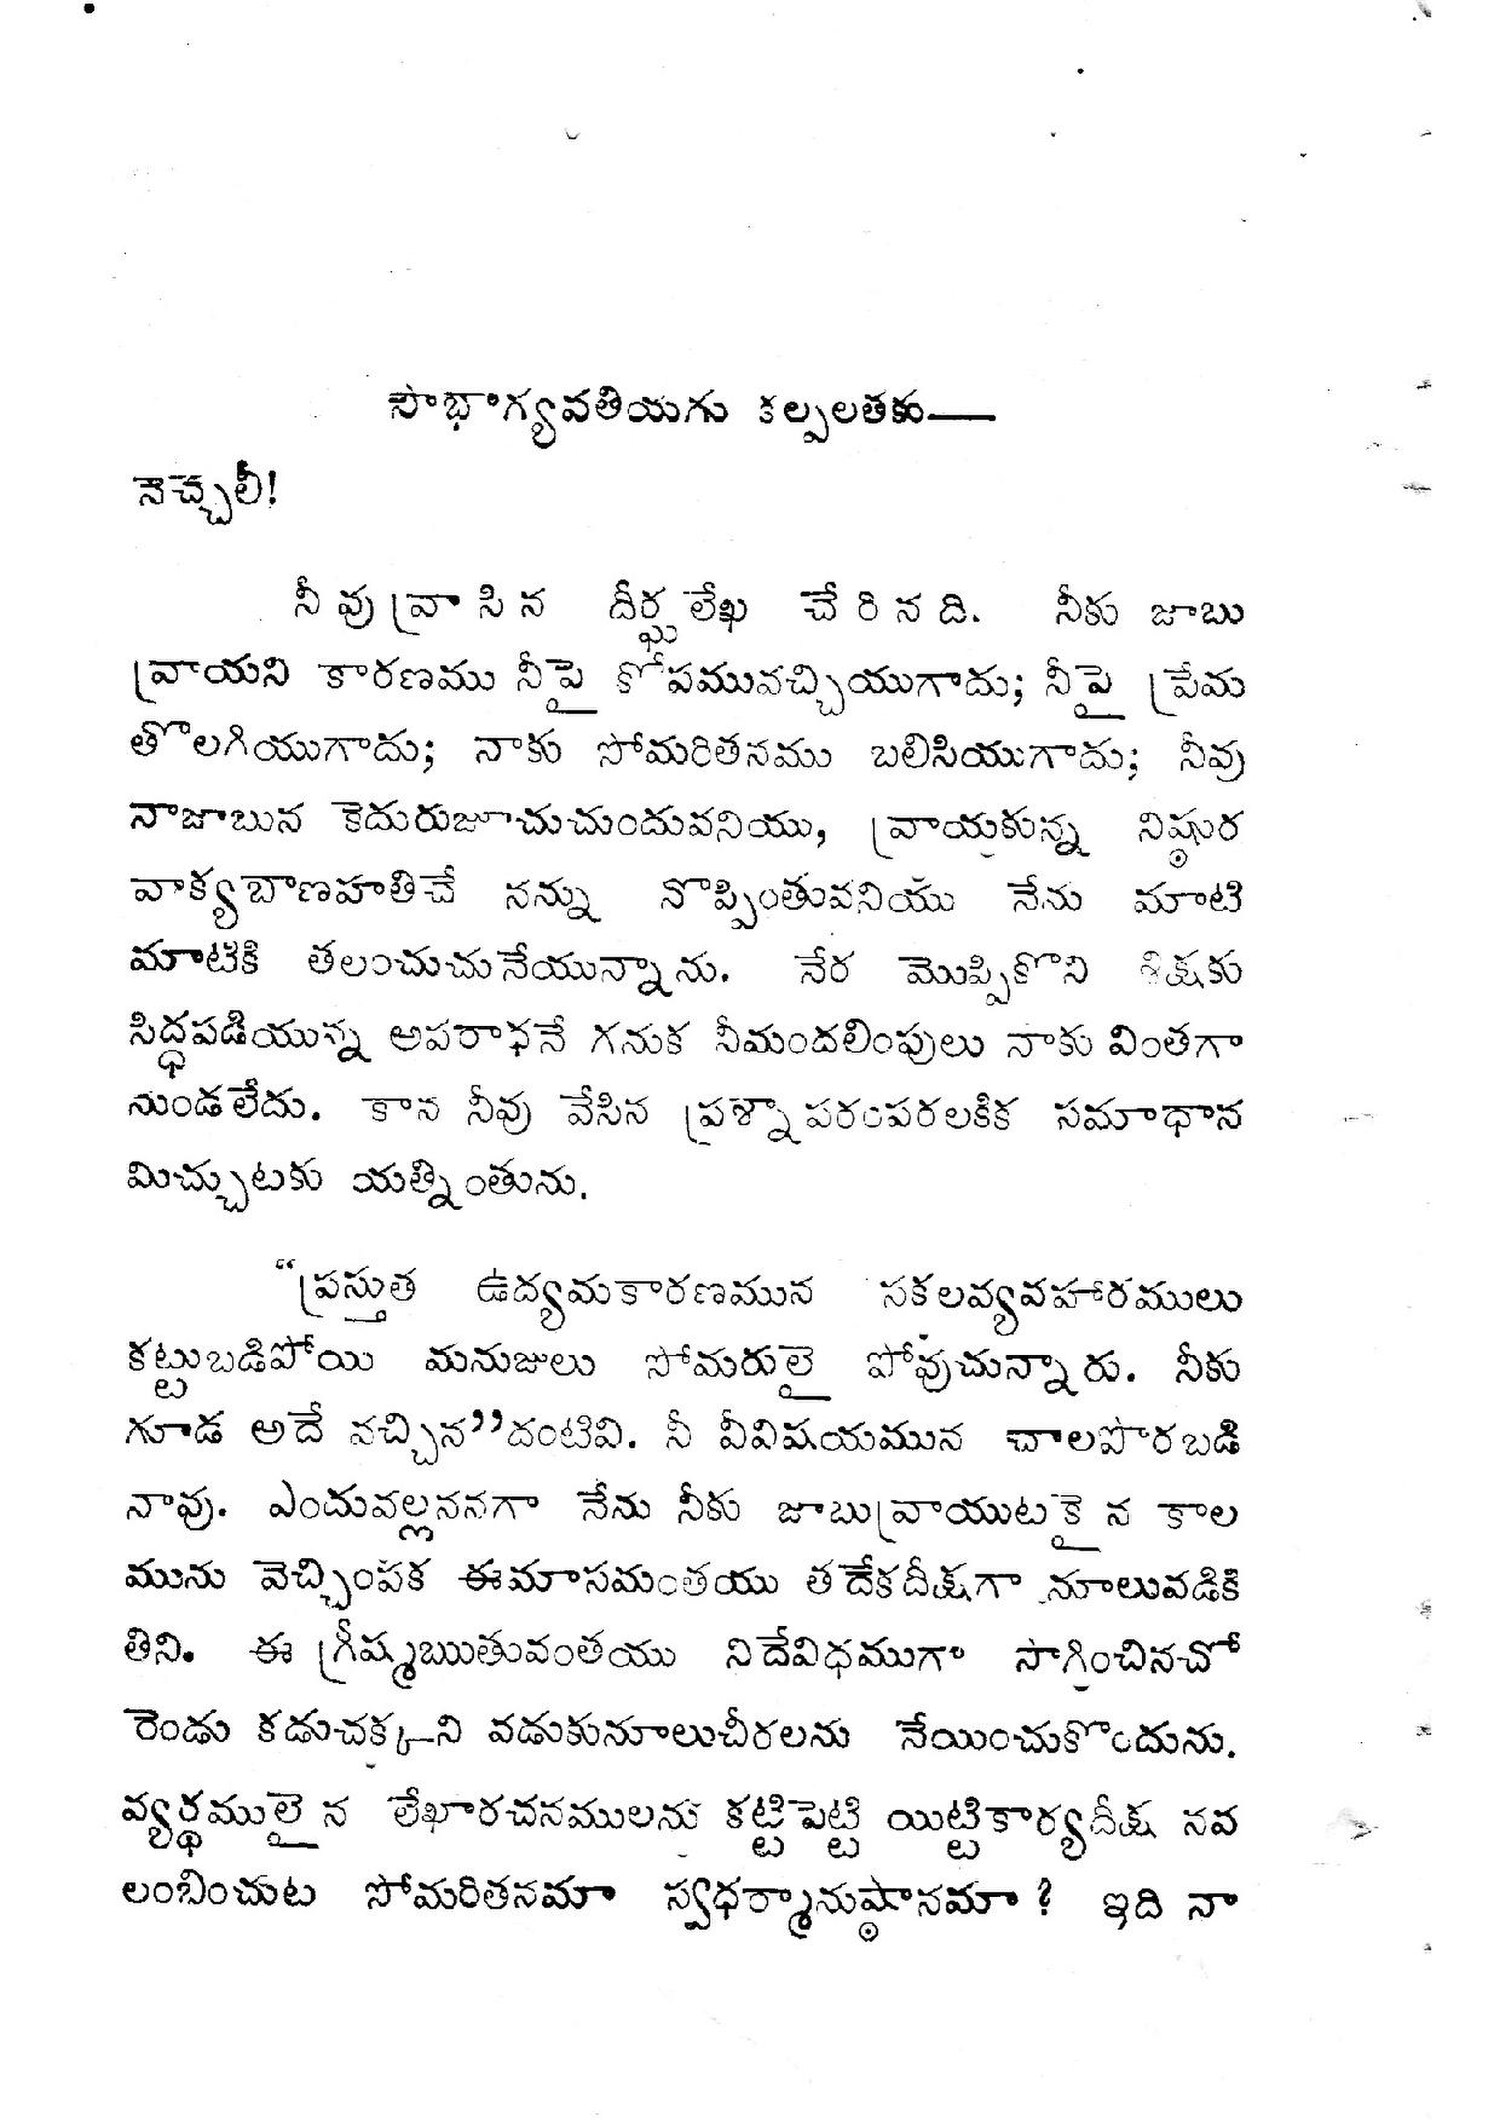నెచ్చెలీ!

నీవువ్రాసిన దీర్ఘలేఖ చేరినది. నీకు జాబు వ్రాయని కారణము నీపై కోపమువచ్చియుగాదు; నీపై ప్రేమ
తొలగియుగాదు; నాకు సోమరితనము బలిసియుగాదు; నీవు నాజాబున కెదురుజూచుచుందువనియు, వ్రాయకున్న నిష్ఠురవాక్యబాణహతిచే నన్ను నొప్పింతువనియు నేను మాటి మాటికి తలంచుచునేయున్నాను. నేర మొప్పికొని శిక్షకు సిద్ధపడియున్న అపరాధనే గనుక నీమందలింపులు నాకు వింతగా నుండలేదు. కాన నీవు వేసిన ప్రశ్నాపరంపరలకిక సమాధాన మిచ్చుటకు యత్నింతును.

"ప్రస్తుత ఉద్యమకారణమున సకలవ్యవహారములు కట్టుబడిపోయి మనుజులు సోమరులై పోవుచున్నారు. నీకు గూడ అదే వచ్చిన”దంటివి. నీ వీవిషయమున చాలపొరబడినావు. ఎందువల్లననగా నేను నీకు జాబువ్రాయుటకైన కాలమును వెచ్చింపక ఈమాసమంతయు తదేకదీక్షగా నూలువడికితిని ఈ గ్రీష్మఋతువంతయు నిదేవిధముగా సాగించినచో రెండు కడుచక్కని వడుకునూలుచీరలను నేయించుకొందును. వ్యర్థములైన లేఖారచనములను కట్టిపెట్టి యిట్టికార్యదీక్ష నవలంబించుట సోమరితనమా స్వధర్మానుష్ఠానమా? ఇది నా